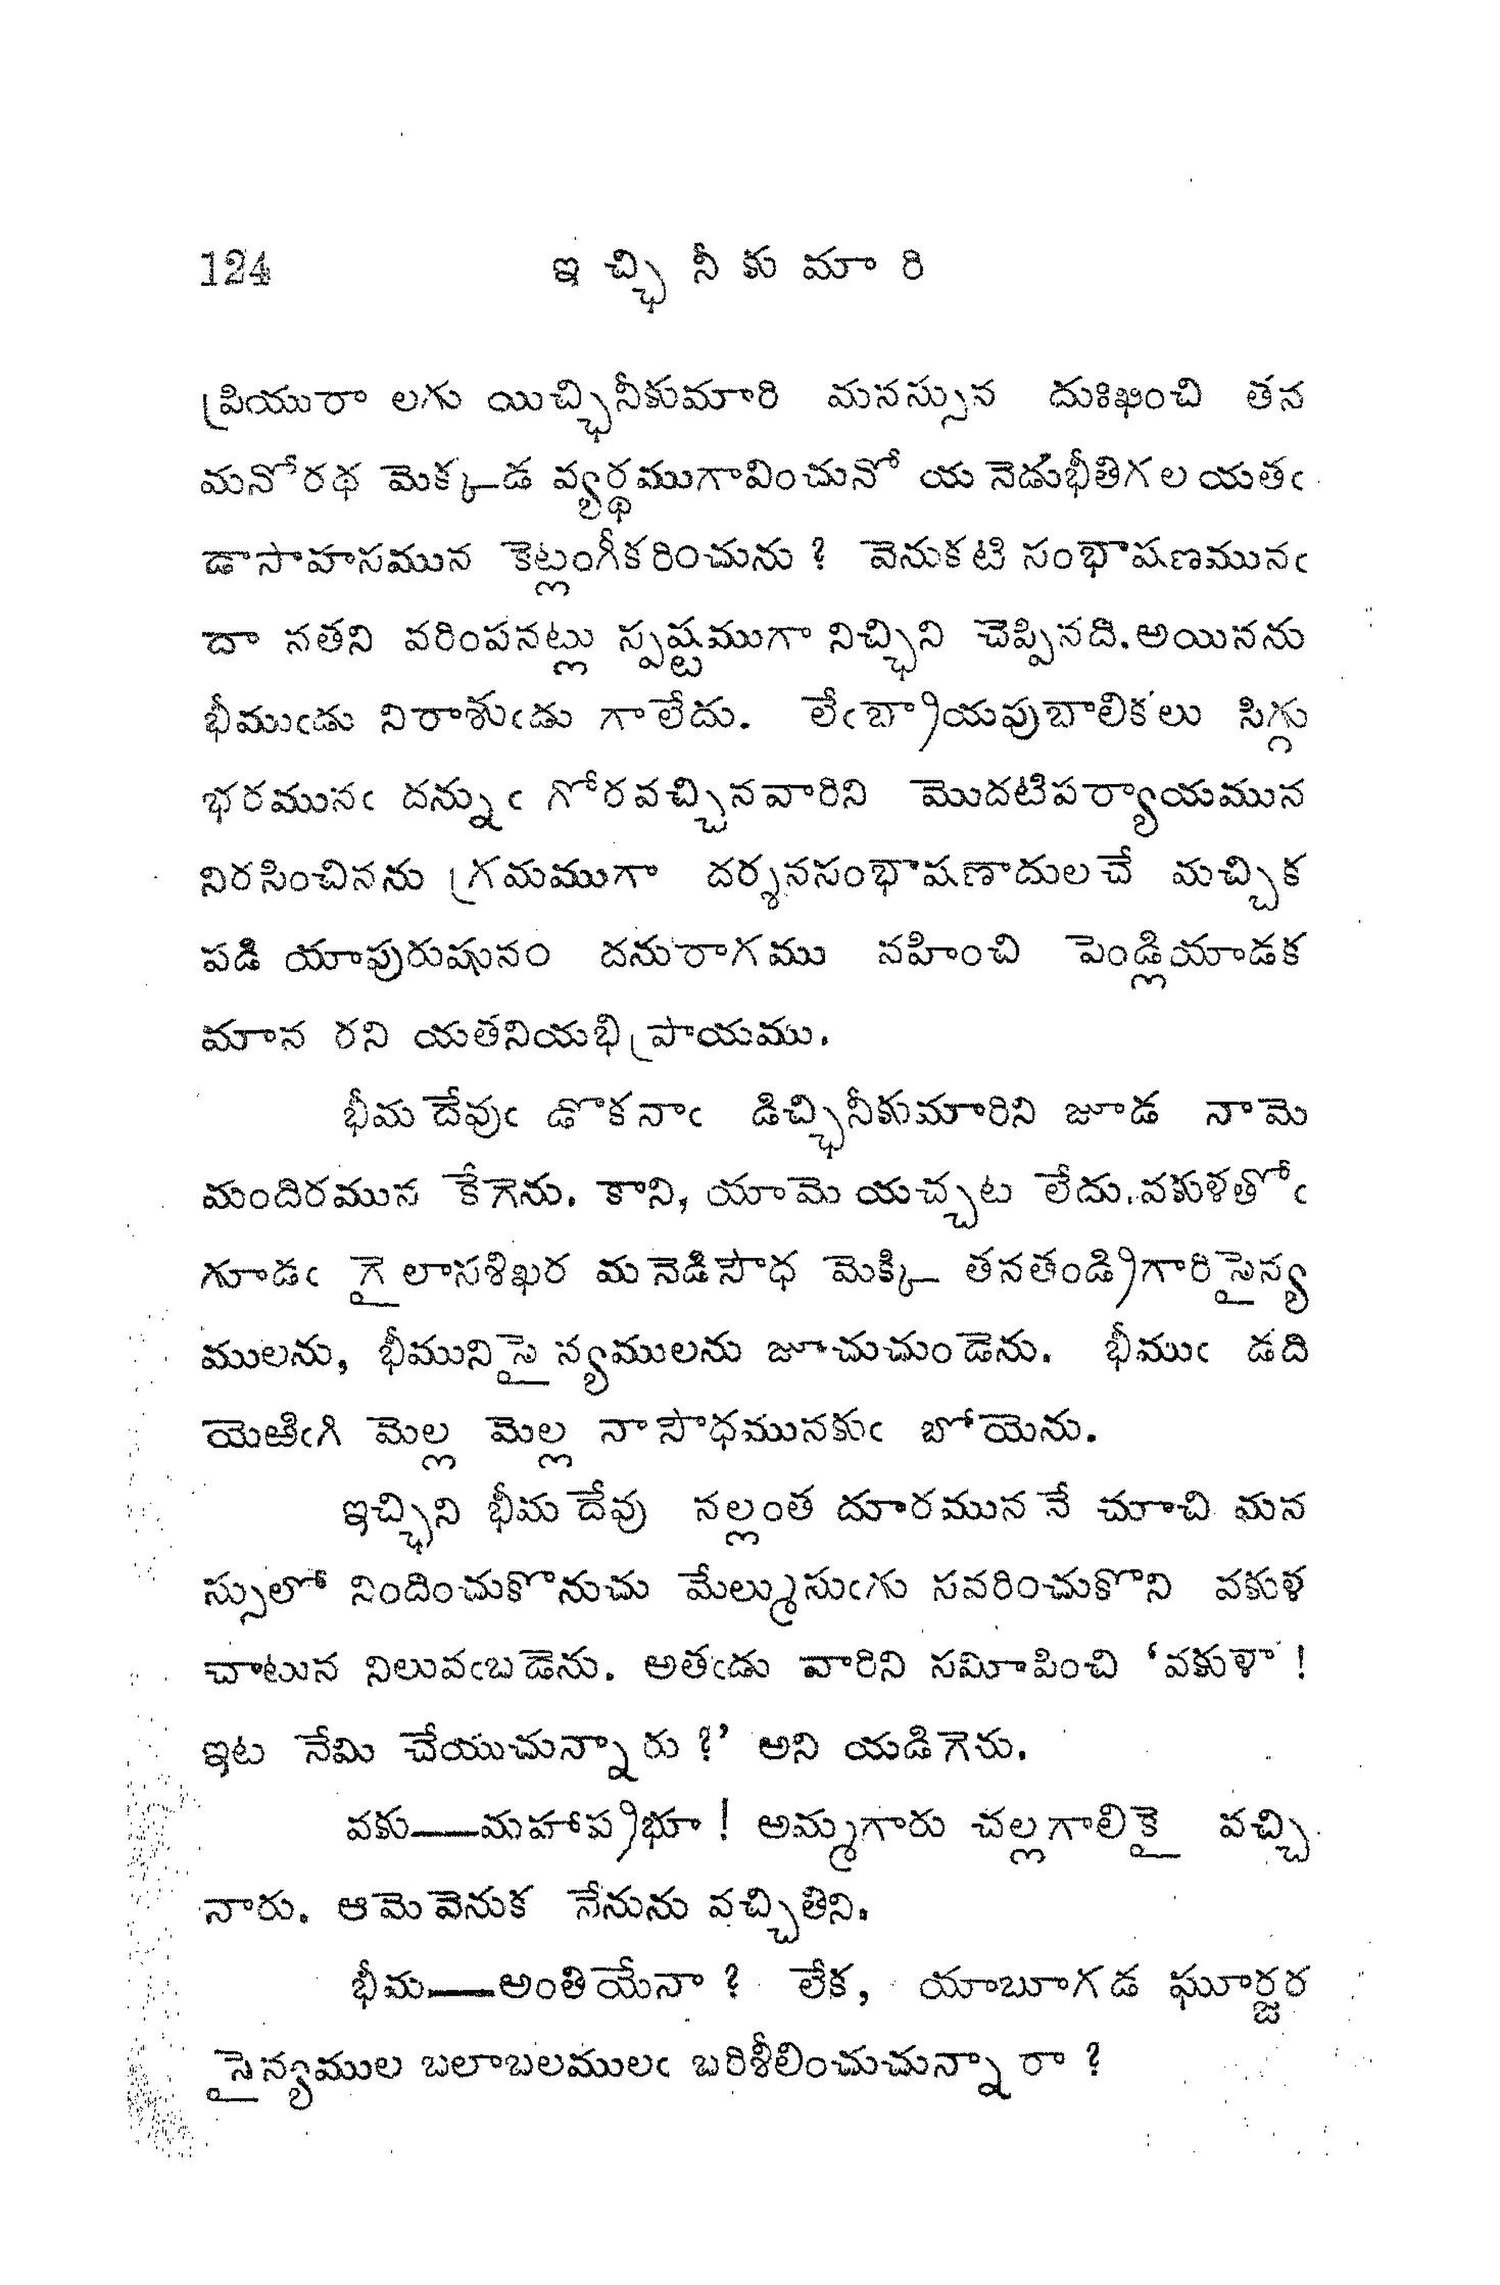ప్రియురా లగు యిచ్ఛినీకుమారి మనస్సున దుఃఖించి తన
మనోరథ మెక్కడ వ్యర్థముగావించునో యనెడు భీతిగల యతఁ
డాసాహసమున కెట్లంగీకరించును ? వెనుకటి సంభాషణమునఁ
దా నతని వరింపనట్లు స్పష్టముగా నిచ్చిని చెప్పినది. అయినను
భీముఁడు నిరాశుఁడు గాలేదు. లేఁబాయపు బాలికలు సిగ్గు
భరమునఁ దన్నుఁ గోర వచ్చిన వారిని మొదటి పర్యాయమున
నిరసించినను గ్రమముగా దర్శన సంభాషణాదులచే మచ్చిక
పడి యాపురుషునం దనురాగము వహించి పెండ్లియాడక
మాన రని యతనియభి ప్రాయము.

భీమ దేవుఁ డొకనాఁ డిచ్ఛినీకుమారిని జూడ నామె
మందిరమున కేగెను. కాని, యామె యచ్చట లేదు. వకుళతో
గూడఁ గైలాసశిఖర మనెడి సౌధ మెక్కి తనతండ్రిగారి సైన్య
ములను, భీముని సై న్యములను జూచుచుండెను. భీముఁ డది
యెఱిఁగి మెల్ల మెల్ల నా సౌధమునకుఁ బోయెను.
ఇచ్చిని భీమ దేవు నల్లంత దూరముననే చూచి మన
స్సులో నిందించుకొనుచు మేల్ముసుఁగు సవరించుకొని వకుళ
చాటున నిలువఁబడెను. అతఁడు వారిని సమీపించి 'వకుళా' !
ఇట 'నేమి చేయుచున్నారు ? ' అని యడిగెను.

వకు: మహాప్రభూ ! అమ్మగారు చల్ల గాలికై వచ్చి.
నారు. ఆమె వెనుక నేనును వచ్చితిని,

భీమ: అంతియేనా ? లేక , ' యాబూగడ ఘూర్జర
సైన్యముల బలాబలములఁ బరిశీలించుచున్నారా ?